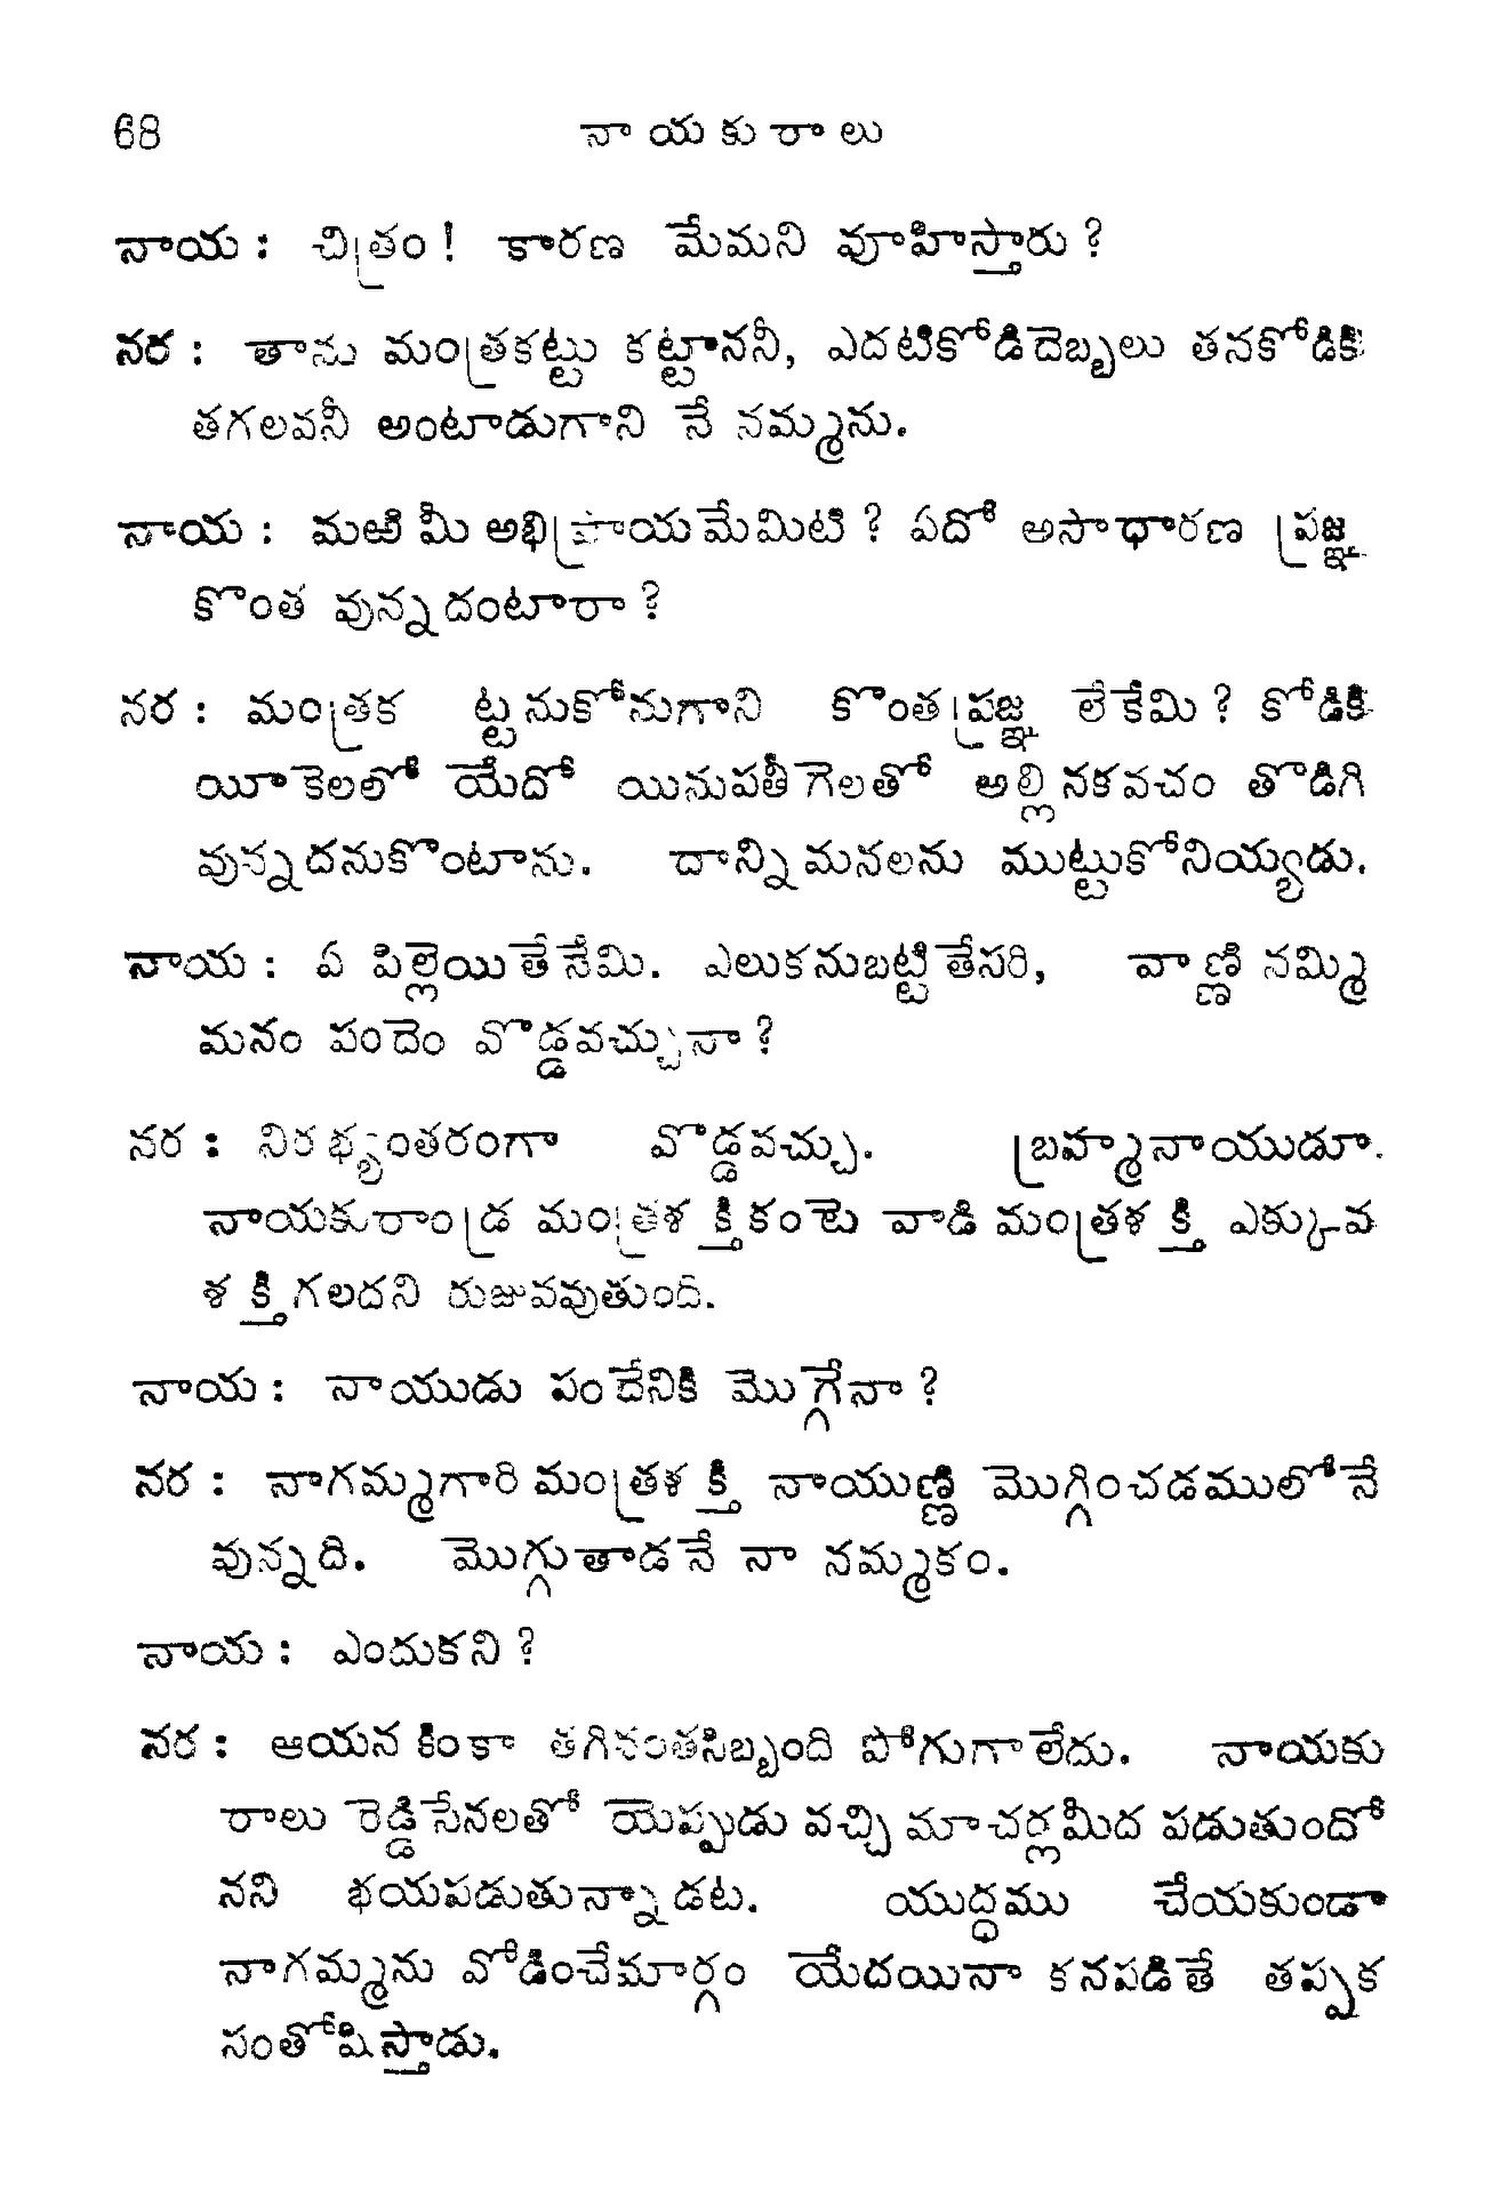నాయ : చిత్రం ! కారణ మేమని వూహిస్తారు ?

నర : తాను మంత్రకట్టు కట్టాననీ, ఎదటికోడిదెబ్బలు తనకోడికి తగలవనీ అంటాడుగాని నే నమ్మను.

నాయ : మఱి మీ అభిప్రాయమేమిటి ? ఏదో అసాధారణ ప్రజ్ఞ కొంత వున్నదంటారా?

నర : మంత్రకట్టనుకోనుగాని కొంతప్రజ్ఞ లేకేమి ? కోడికి యీకెలలో యేదో యినుపతీగెలతో అల్లినకవచం తొడిగి వున్నదనుకొంటాను. దాన్నిమనలను ముట్టుకోనియ్యడు.

నాయ : ఏ పిల్లెయితేనేమి. ఎలుకనుబట్టితేసరి, వాణ్ణి నమ్మి మనం పందెం వొడ్డవచ్చునా ?

నర : నిరభ్యంతరంగా వొడ్డవచ్చు. బ్రహ్మనాయుడూ నాయకురాండ్ర మంత్రశ క్తికంటే వాడి మంత్రశక్తి ఎక్కువ శక్తిగలదని రుజువవుతుంది.

నాయ : నాయుడు పందేనికి మొగ్గేనా ?

నర : నాగమ్మగారిమంత్రశక్తి నాయుణ్ణి మొగ్గించడములోనే వున్నది. మొగ్గుతాడనే నా నమ్మకం.

నాయ: ఎందుకని?

నర : ఆయనకింకా తగినంతసిబ్బంది పోగుగాలేదు. నాయకురాలు రెడ్డిసేనలతో యెప్పుడు వచ్చి మాచర్లమీద పడుతుందోనని భయపడుతున్నాడట. యుద్ధము చేయకుండా నాగమ్మను వోడించేమార్గం యేదయినా కనపడితే తప్పక సంతోషిస్తాడు.